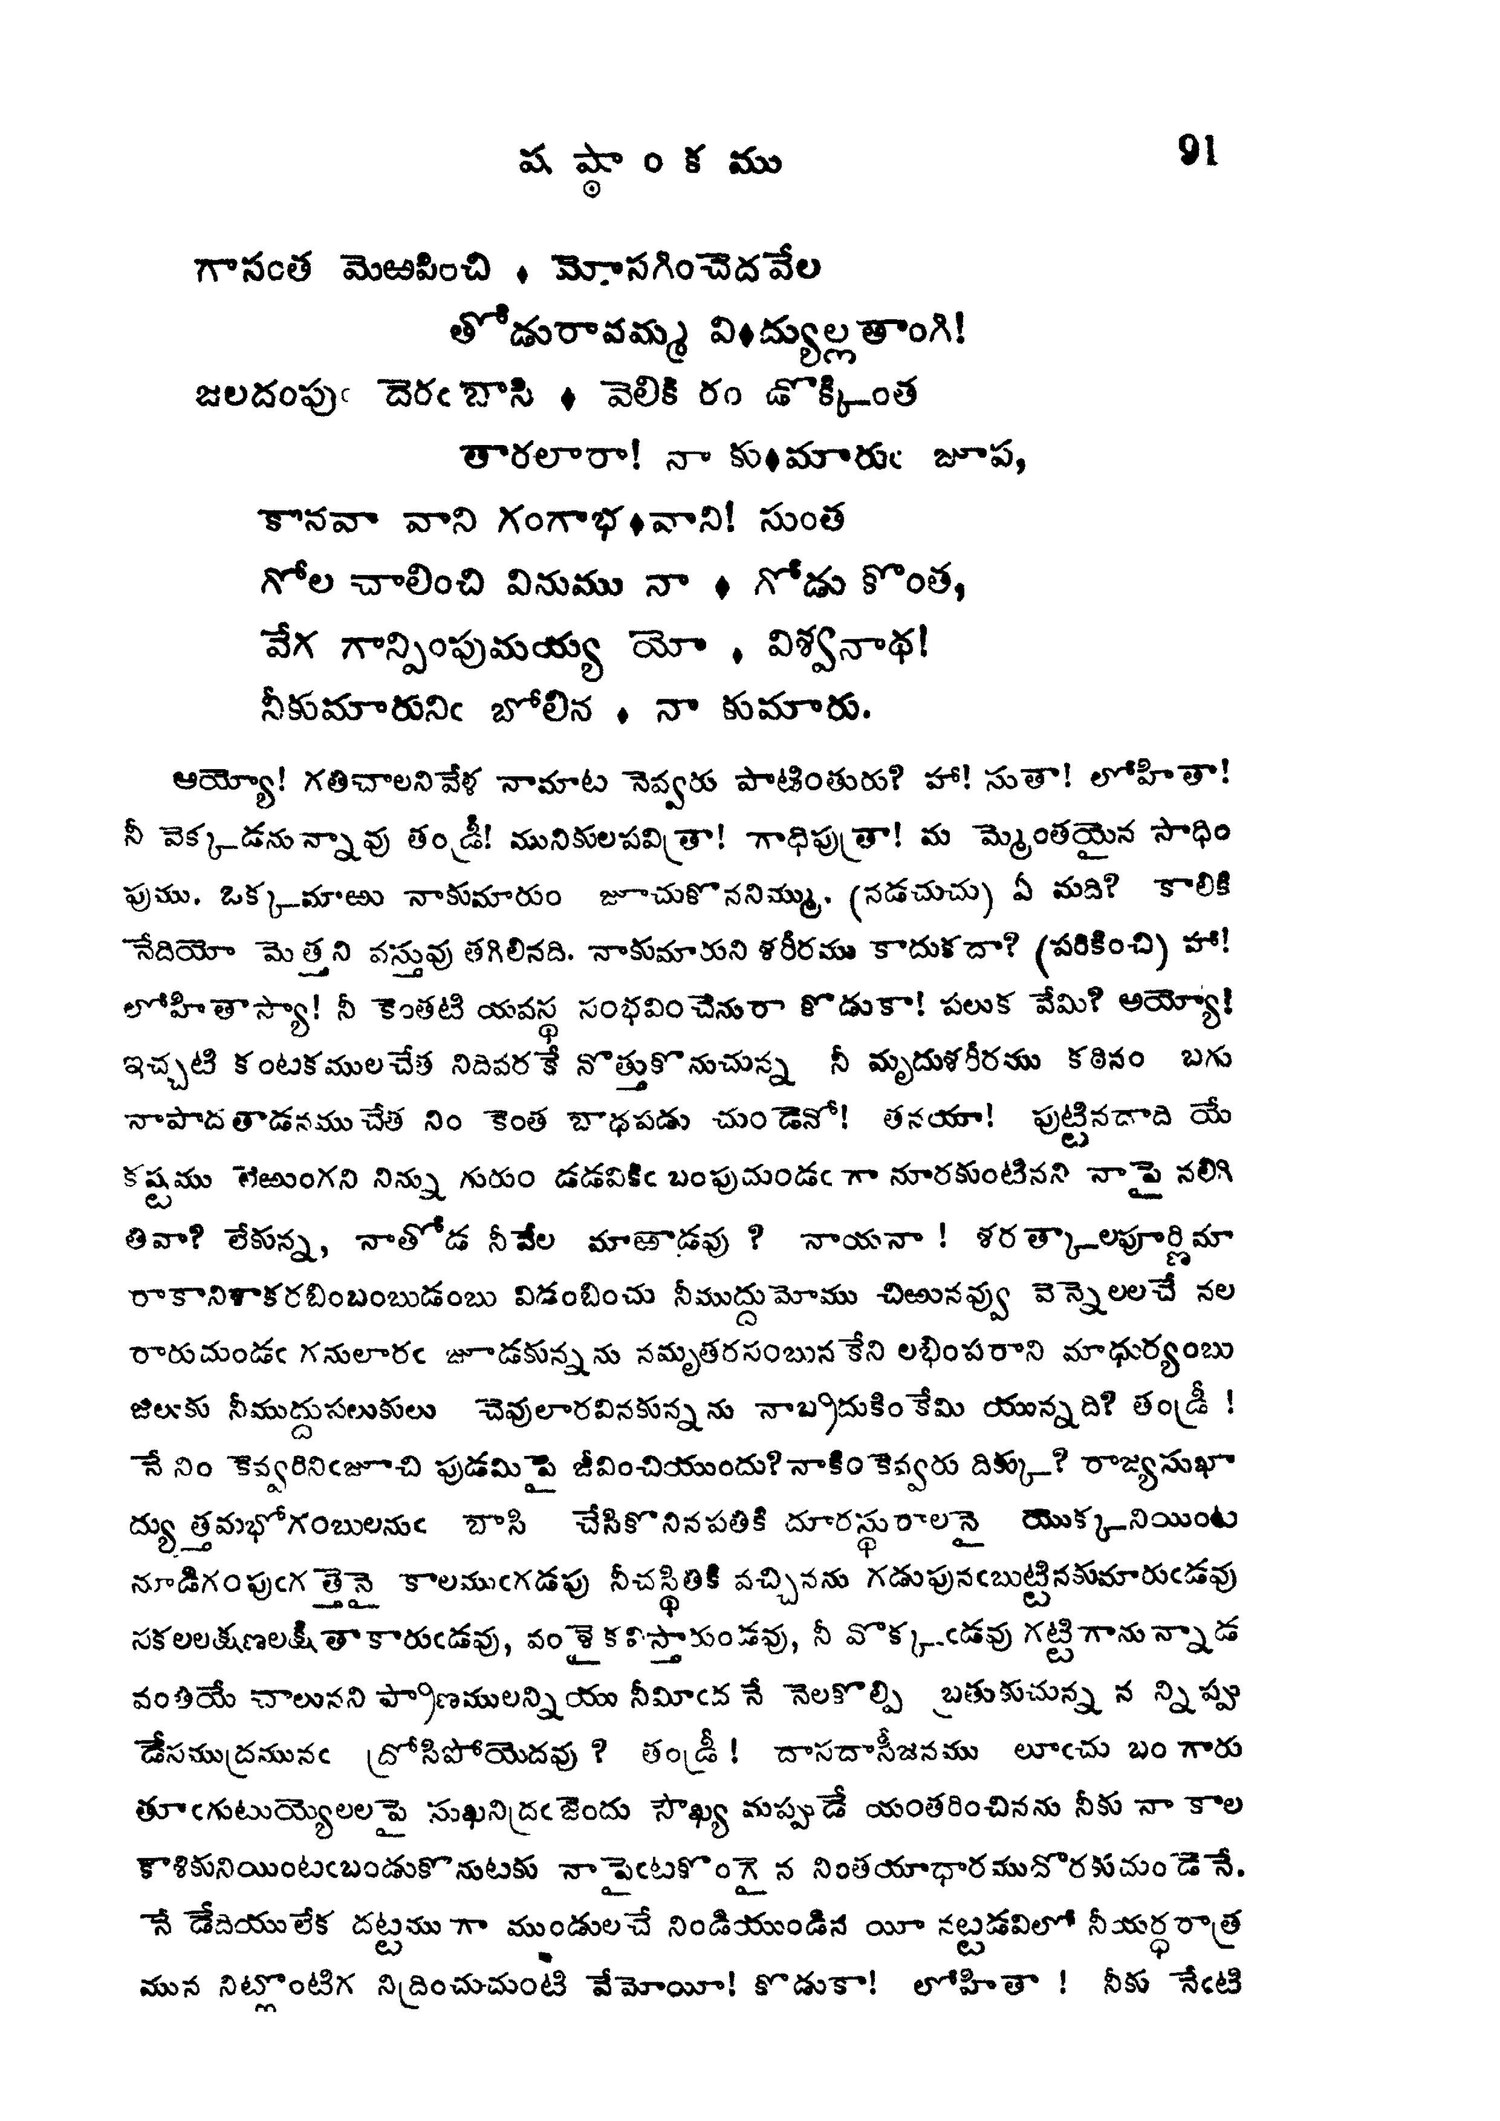గాసంత మెఱపించి మోసగించెదవేల
 తోడురావమ్మ విద్యుల్లతాంగి
జలదపుఁ దెరఁబాసి వెలికి రండొక్కింత
 తారలారా! నా కుమారుఁ జూప

 	 కానవా వాని గంగాభవాని? సుంత
 గోల చాలించి వినుము నా గోడు కొంత
 వేగ గాన్పింపుమయ్య యో విశ్వనాథ!
 నీ కుమారునిఁ బోలిన నా కుమారు.

అయ్యో! గతిచాలనివేళ నా మాట నెవ్వరు పాటింతురు? హా! సుతా, లోహితా! నీవెక్కడ నున్నావు, తండ్రీ! మునికుల పవిత్రా, గాధిపుత్రా! మమ్మెంతయైన సాధింపుము. ఒక్కమాఱు నా కుమారుని జూచుకొన నిమ్ము. (నడచుచు) ఏమిటి? కాలికి నేదియో మెత్తని వస్తువు తగిలినది. నా కుమారుని శరీరము కాదుకదా? (పరికించి) హా! లోహితాస్యా! నీ కెంతటి యవస్థ సంభవించెనురా? కొడుకా! పలుకవేమి? అయ్యో! ఇంతటి కంటకములచేత నిదివఱకె నొత్తుకొనుచున్న నీ మృదుశరీరము కఠినం బగు నా పాదతాడనంబు చేత నింకెంత బాధపడుచుండెనో తనయా! పుట్టిన దాది, యే కష్టము లెఱుంగని నిన్ను గురుండ డవికి బంపుచుండగా నూఱకుంటినని నాపై నలిగితివా? లేకున్న నా తోడ నీ వేల మాట్లాడవు? నాయనా! శరత్కాల పూర్ణిమా రాకా నిశాకర బింబంబు విడంబించు నీ ముద్దు మోము చిఱునవ్వు వెన్నెలచే నలరారుచుండఁ గనులార జూడకున్నను నమృత రసంబునకే లభింపరాని మాధుర్యంబుఁ జిలుక నీ ముద్దు పలుకులు చెవులార వినకున్న బ్రతుకున కింకేమి యున్నది తండ్రీ? నేనింకెవ్వరినిఁ జూచి పుడమిపై జీవించి యుందును, నాకింకెవరు దిక్కు? రాజ్యసుఖాద్యుత్తమ భోగంబులను బాసి చేసికొని పతికి దూరస్థురాలనై యొక్కయింట నూడిగంపుగత్తెనై కాలము గడుపు నీచస్థితికి వచ్చినను గడుపునఁ బుట్టిన కుమారుఁడవు, సకల లక్షణలక్షితాకారుండవు, వంశైక విస్తారుఁడవు, నీ వొక్కఁడవు గట్టిగా నున్నాఁడ వంతియే చాలునని ప్రాణములన్నియు నీ మీఁదనే నెలకొల్పి బ్రతుకు చున్న నన్నిప్పుడే సముద్రమునఁ ద్రోసి బోయెదవు. తండ్రీ! దాసదాసీ జనము లూఁపు బంగారు తూగు టుయ్యెలలపై సుఖ నిద్రంజెందు సౌఖ్యమప్పుడే యంతరించినను నీకు నా కాలకౌశికుని యింటఁ బండుకొనుటకు నాపైట కొంగైన నింత యాధారము దొరకుచుండునే! నేడేదియు లేక దట్టముగా యుండుటచే నిండియుండిన యీ నట్టడవిలో నీ యర్ధరాత్రమున నిట్లొంటి నిద్రించుచుంటి వేమోయీ? కొడుకా! లోహితా! నీకు నేటికి